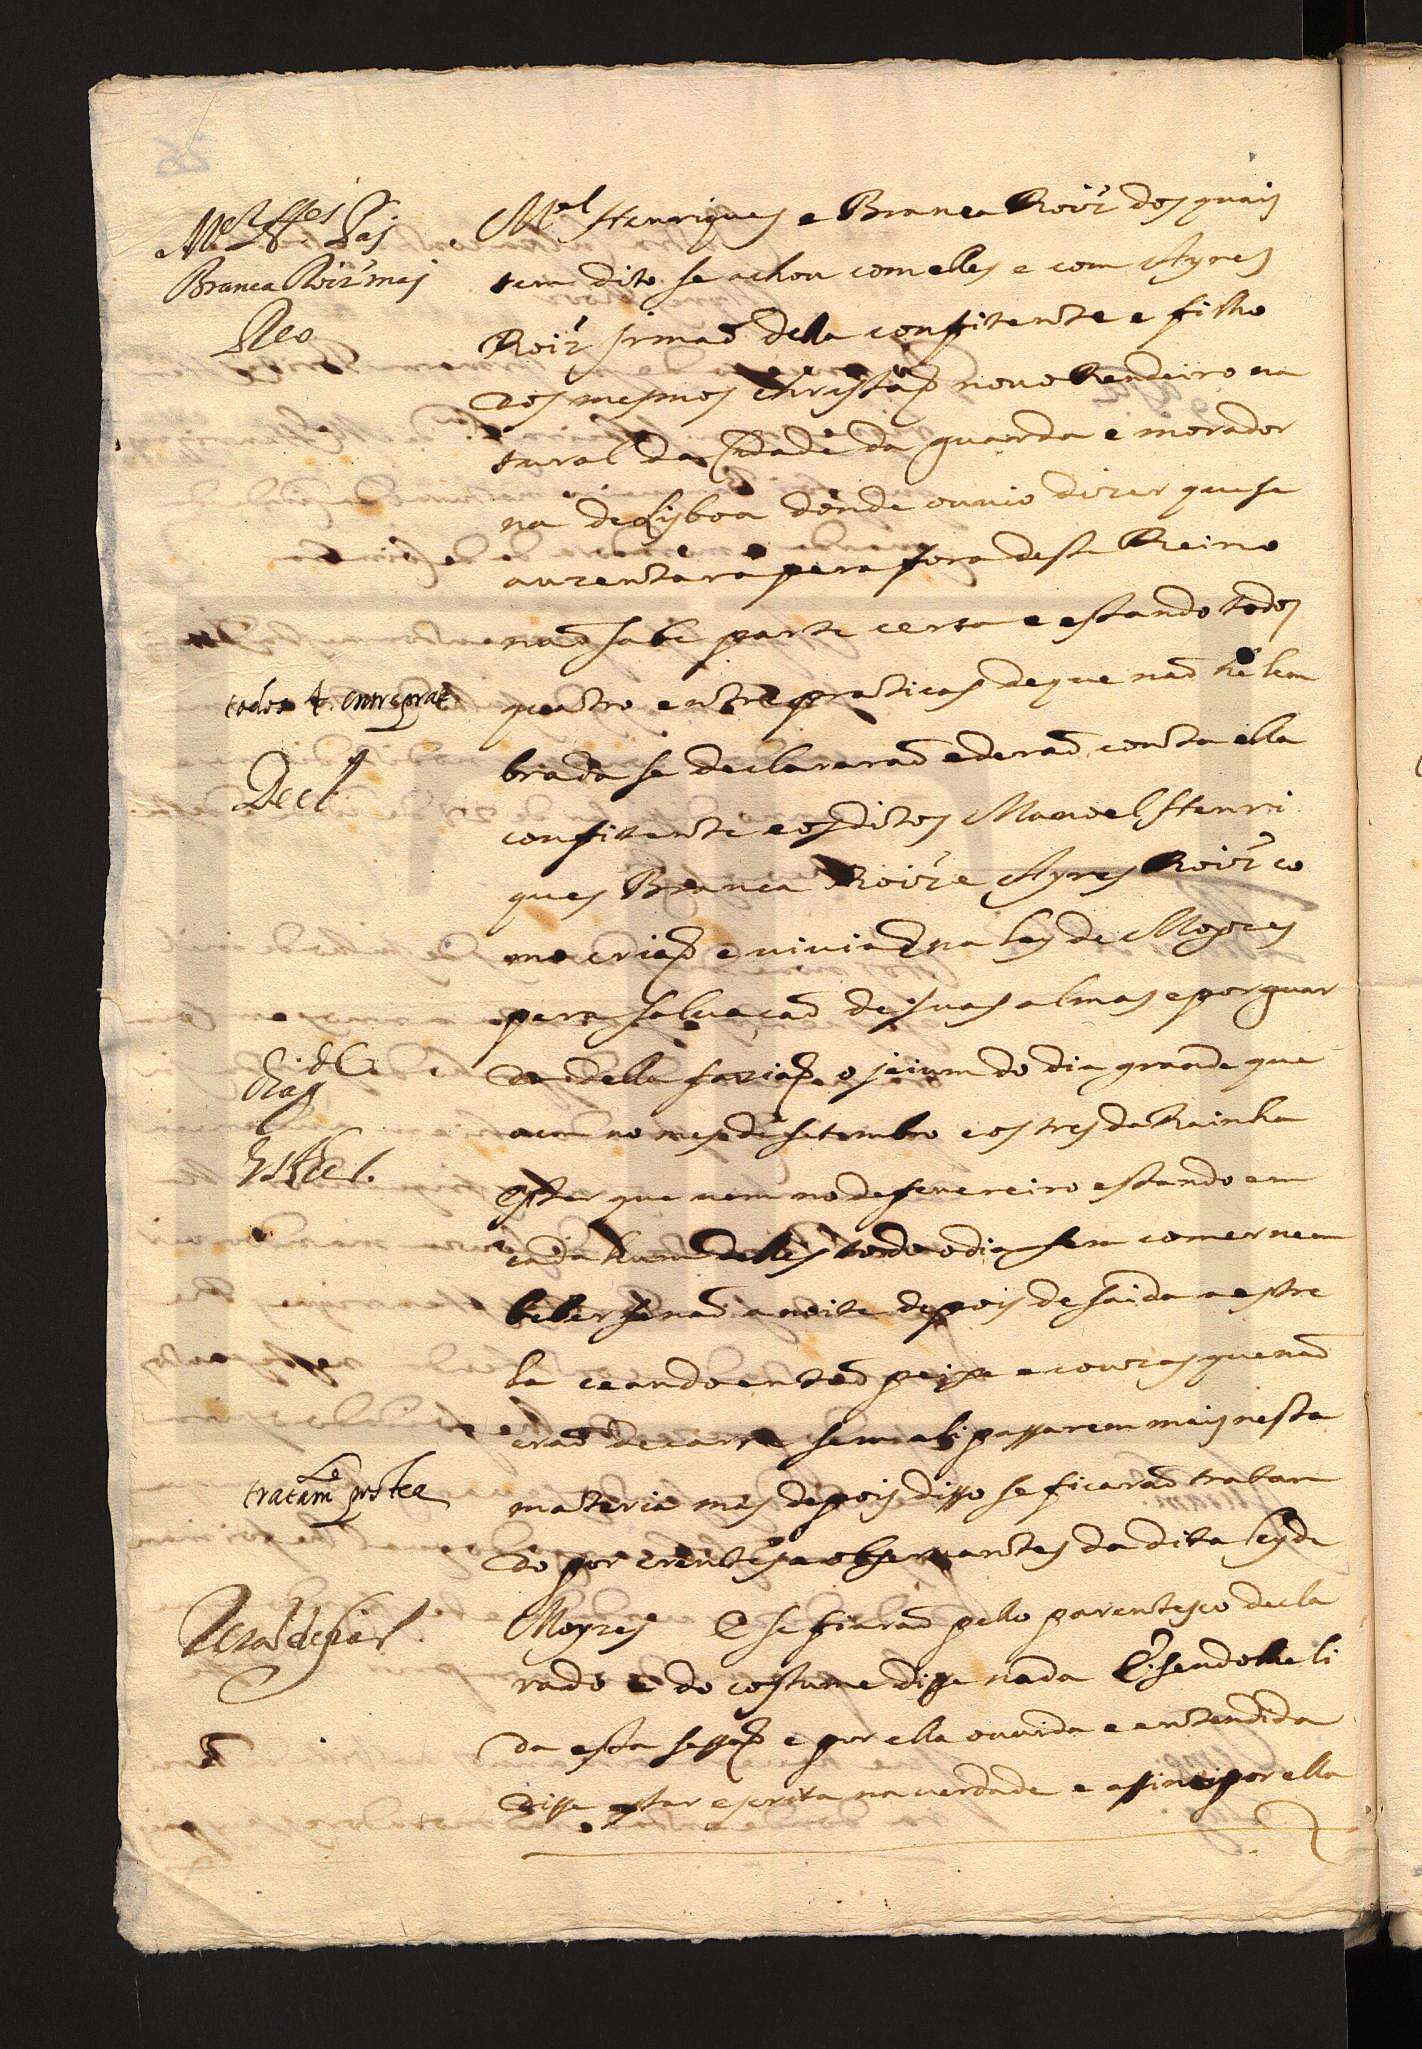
Mel Henriques e Branca Roiz̄ dos quais
tem dito se achou com elles e com Ayres
Roiz̄ jrmaõ della confitente e filho
dos mesmos christaõ nouo Rendeiro na
tural da Cidade da guarda e morador
na de Lisboa donde ouuio dizer que se
auzentara pera fora deste Reino
naõ sabe parte certa e estando todos
quatro entre praticas de que naõ he lem
brada se declararaõ e deraõ conta ella
confitente e os ditos Manoel Henri
ques Branca Roiz̄ e Ayres Roiz̄ co
mo criaõ e uiuiaõ na ley de Moyzes
para saluaçaõ de suas almas e por guar
da della faziaõ o jeium do dia grande que
uem no mes de setembro e os tres da Rainha
Ester que uem no de feuereiro estando em
cada hum delles todo o dia sem comer nem
beber senão a noite depois de saida a estre
la ceando então peixe e couzas que não
eraõ de carne sem ali passarem mais nesta
materia mas depois disso se ficarão tratan
do por crentes e obseruantes da dita ley de
Moyzes E se fiarão pello parentesco decla
rado _ do costume disse nada E sendolhe li
da esta sessaõ e por ella ouuida e entendida
disse estar escrita na uerdade e assinei por ella
Mel Hes. Paj
Branca Roiz̄ maj
Reo
todos 4. entre prat
Decl
dia gde
Esther.
tratamto postea
Rezaõ de fiar.
